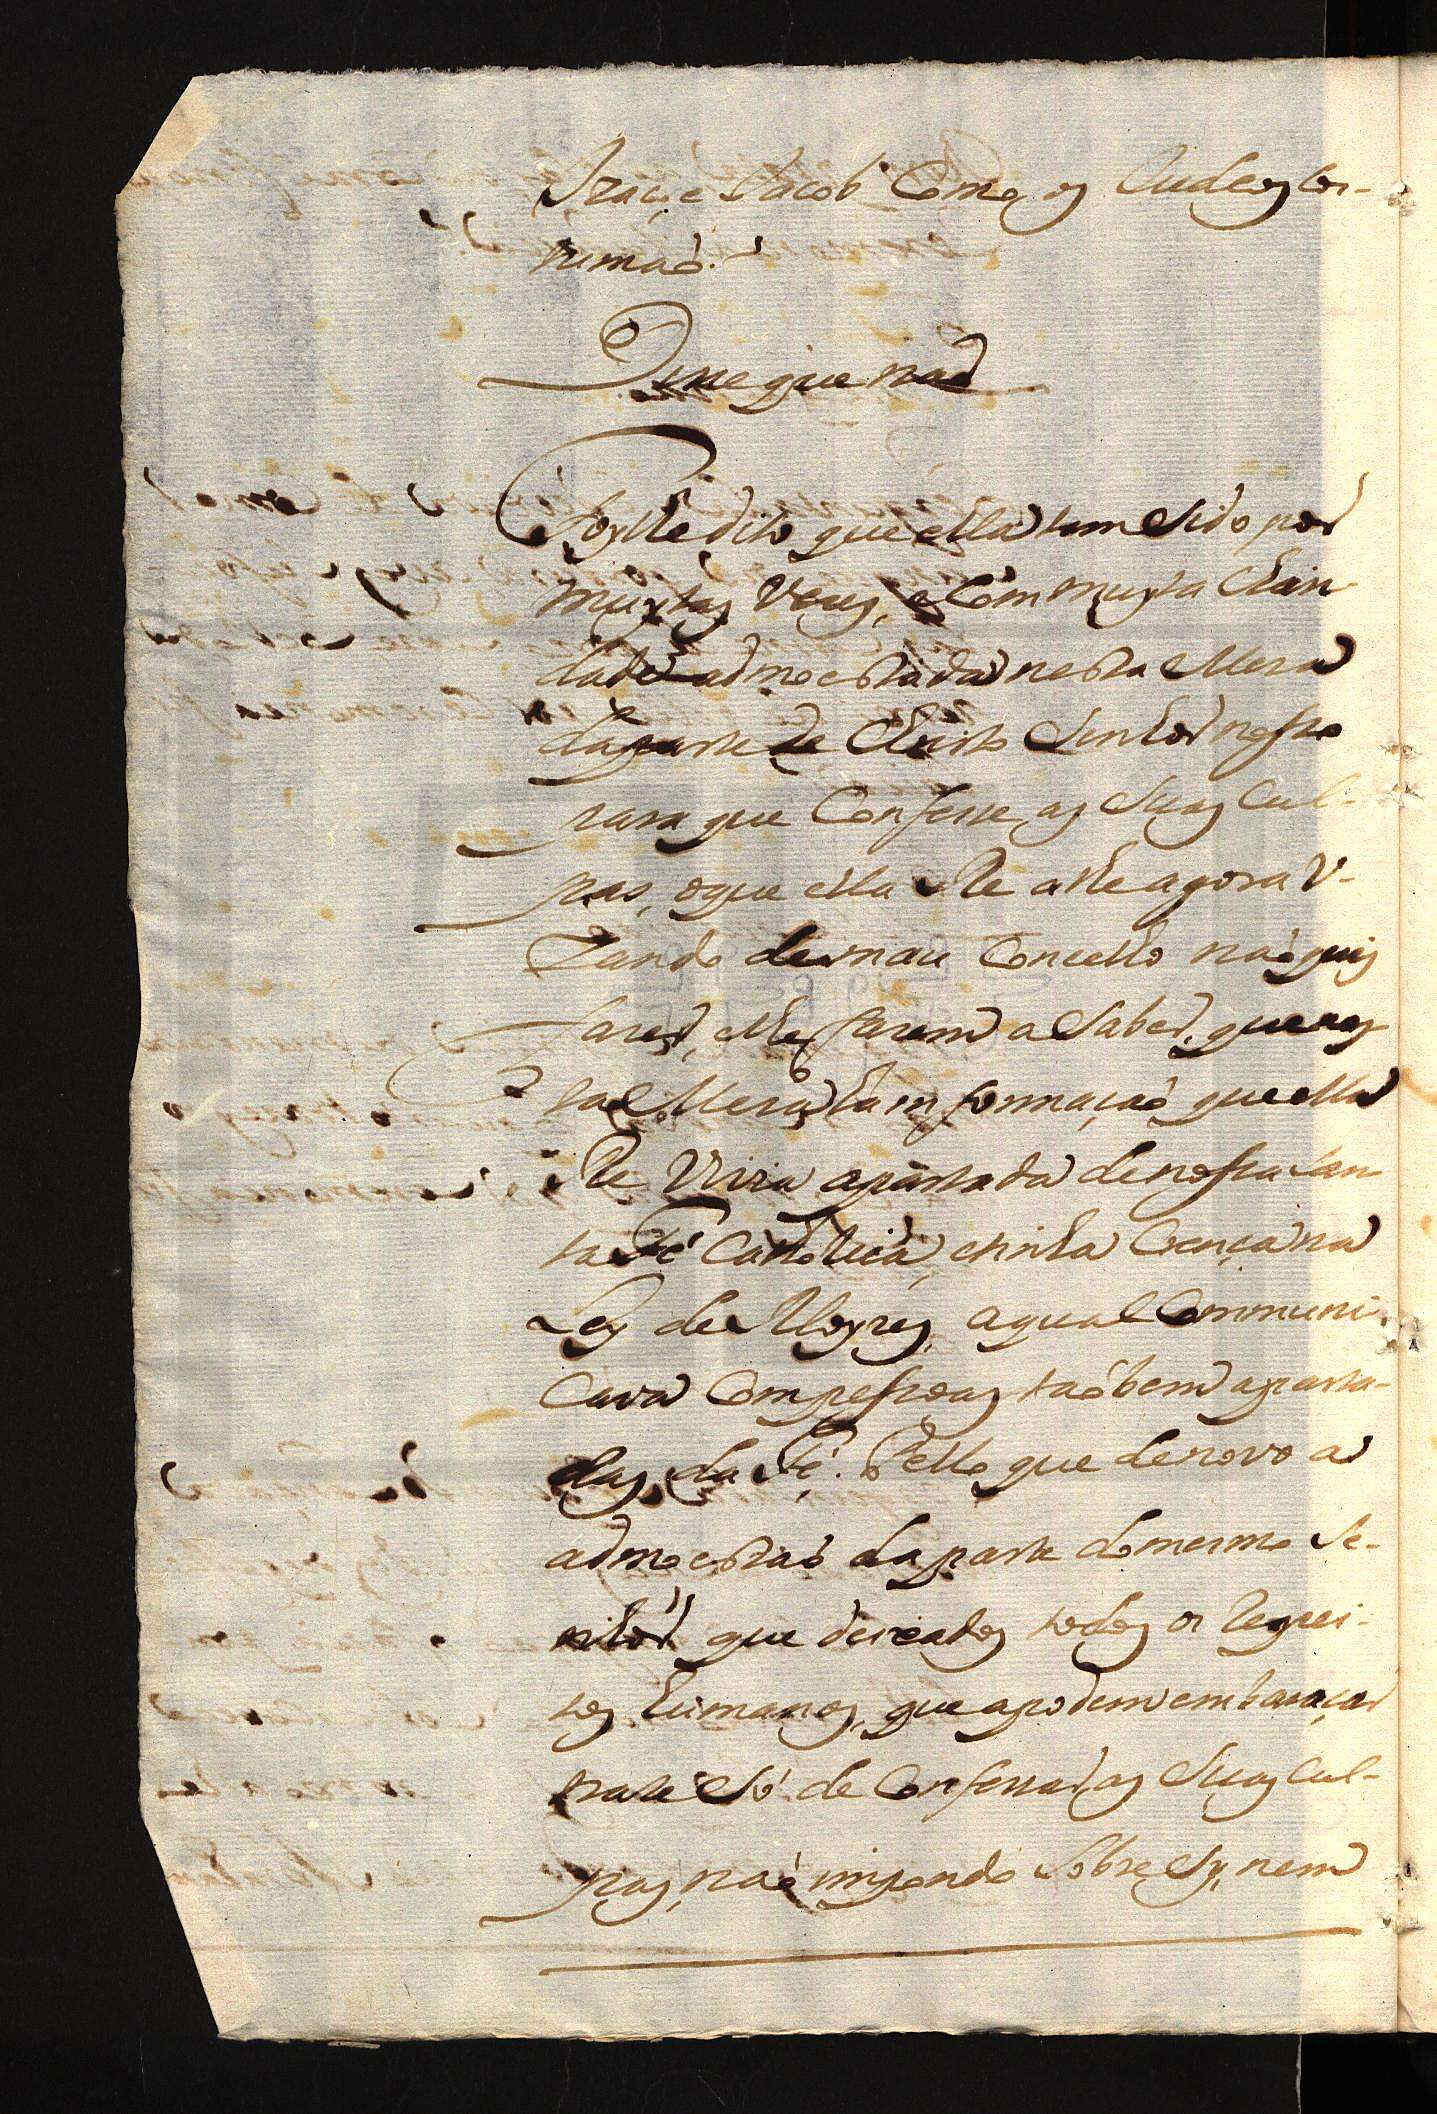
Izac, e Iacob Como os Iudeos Cos
tumaõ?
Disse que naõ
Foylhe dito que ella tem sido por
muytas Vezes, e com muyta chari
dade admoestada nesta Meza
da parte de christo senhor nosso
para que confesse as suas cul
pas, o que ella Re athe agora V
Zando de mau concelho naõ quis
fazer, e lhe fazem a saber, que nes
ta Meza ha informaçaõ que ella
Re Vivia apartada de nossa san
ta Fé catholica, e tinha crença na
Ley de Moyzes, a qual communi
cava com pessoas taõbem aparta
das da Fé; Pello que de novo a
admoestaõ da parte do mesmo se
nhor que deixados todos os Respei
tos humanos, que a podem embaraçar
trate só de confessar as suas cul
pas, naõ impondo sobre sy, nem
